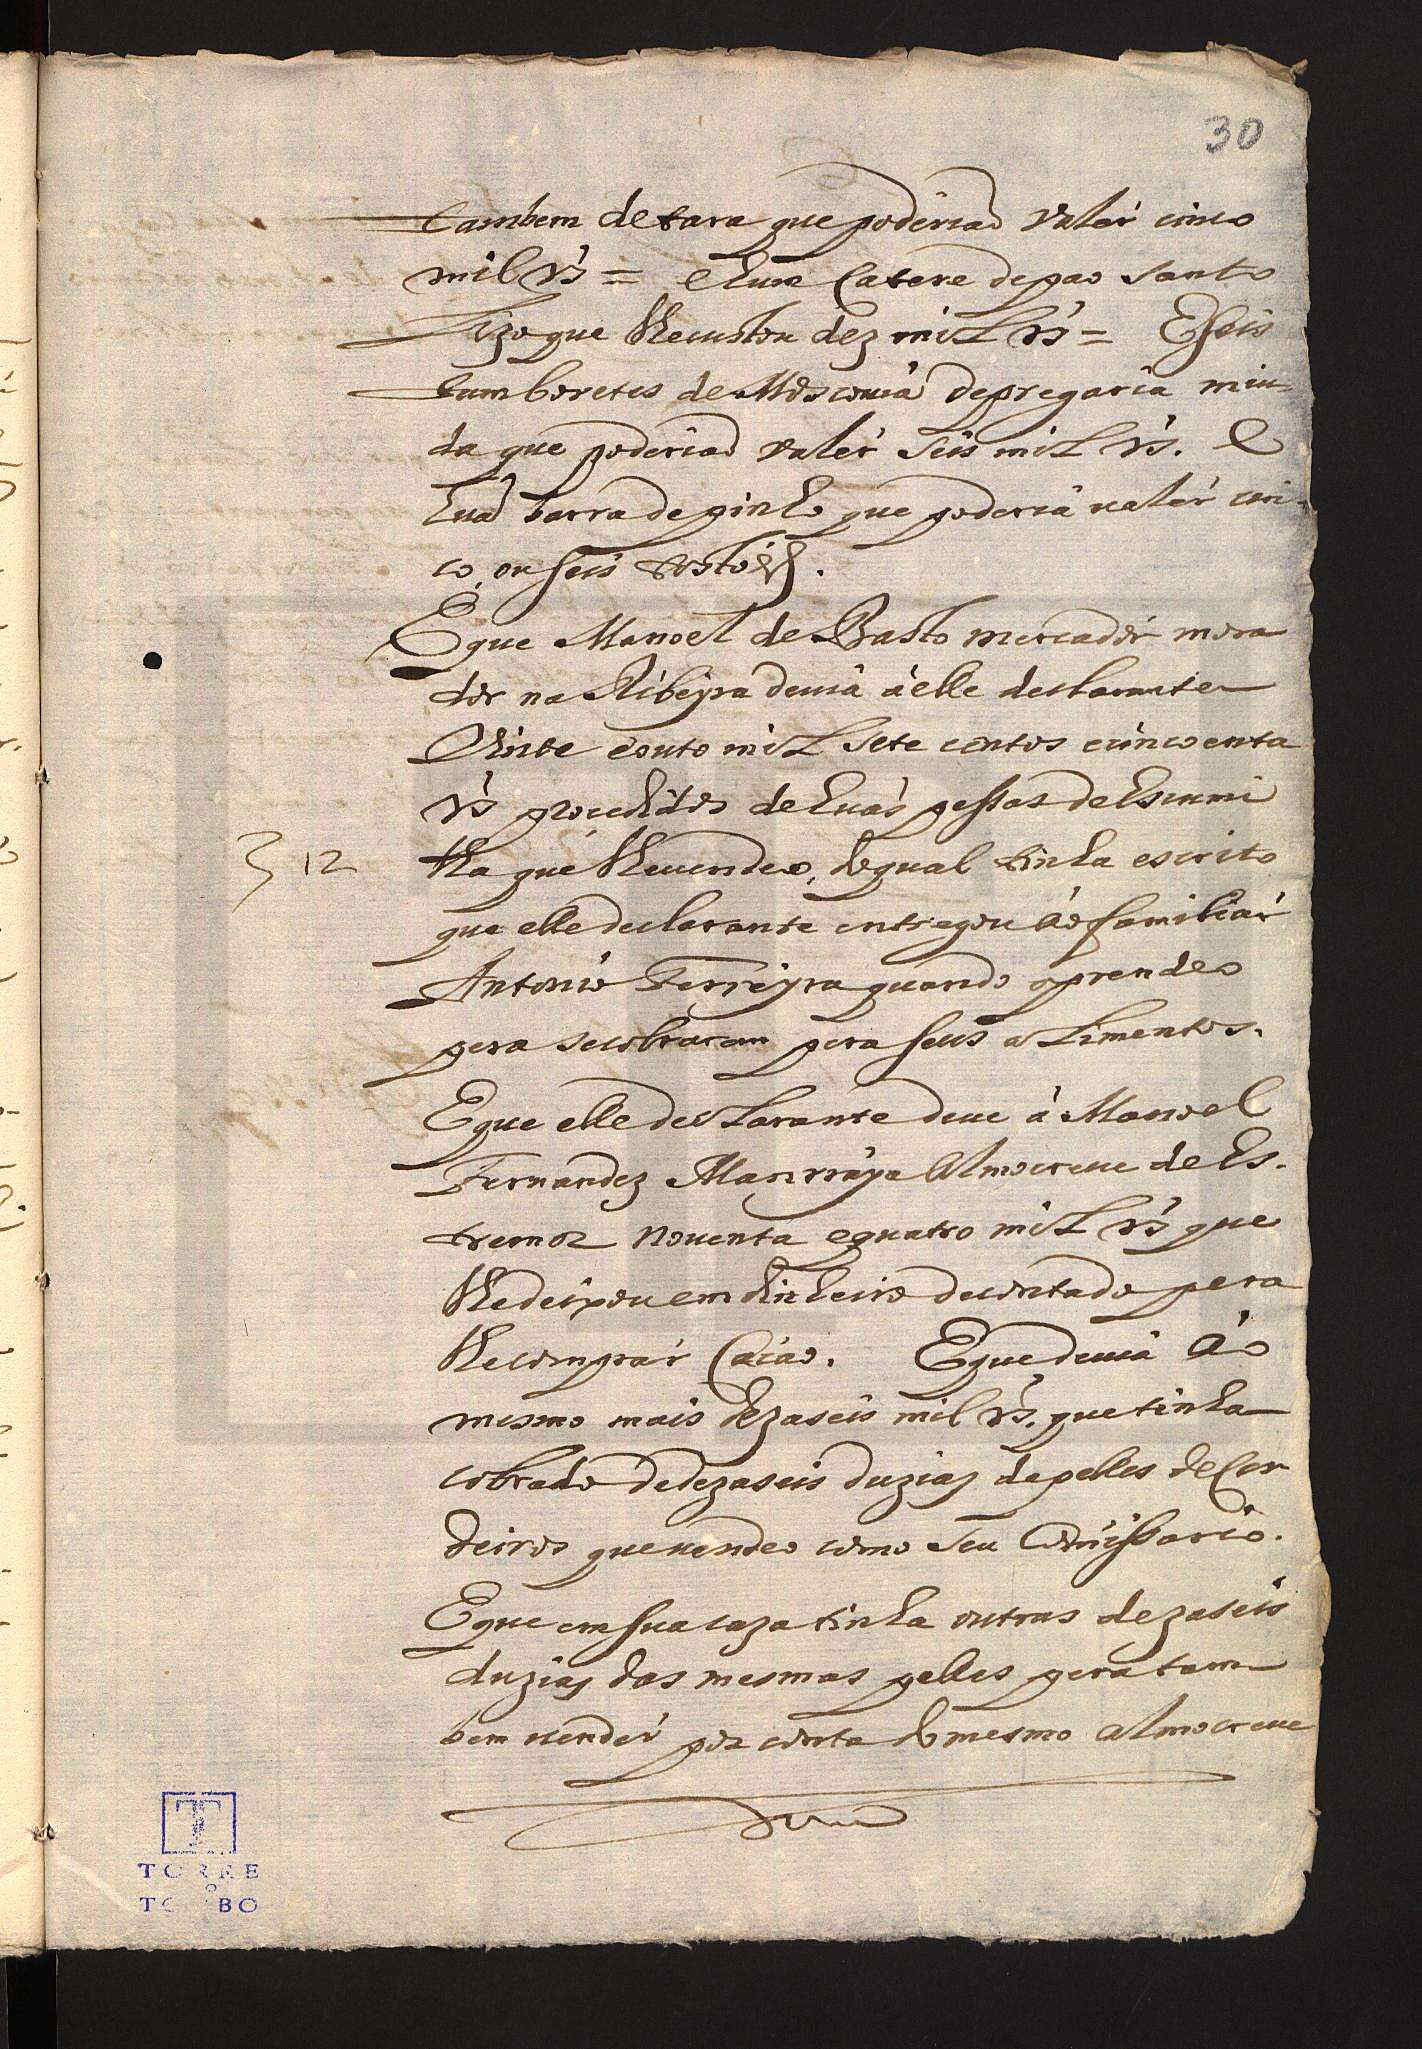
tambem de tara que poderiaõ valer cinco
mil rs̄ = e hum Catere de pao santo
Lizo que lhe custou dez miL rs̄ = E seis
tamboretes de Moscouia de pregaria miu
da que poderiaõ valer seis miL rs̄. E
huā barra de pinho que poderia ualer cin
co, ou seis tostoes.
E que Manoel de Basto mercador mora
dor na Ribeyra deuia à elle declarante
Vinte e outo miL setecentos e cincoenta
rs̄ proçedidos de huas̄ pessas de Escumi
lha que lheuendeo, do qual tinha escrito
que elle declarante entregou áo familiar
Antonio Ferreyra quando o prendeo
pera se cobrarem pera seus aLimentos.
E que elle declarante deue à Manoel
Fernandez Manrraya Almocreue de Es
tremoz nouenta e quatro miL rs̄ que
lhe deixou em dinheiro de contado pera
lhe comprar Cacáo. E que deuia áo
mesmo mais dezaseis mil rs̄, que tinha
cobrado de dezaseis duzias da pelles de Cor
deiros que uendeo como seu Com̄issario.
E que em sua caza tinha outras dezaseis
duzias das mesmas pelles pera tam
bem uender por conta do mesmo almocreue
